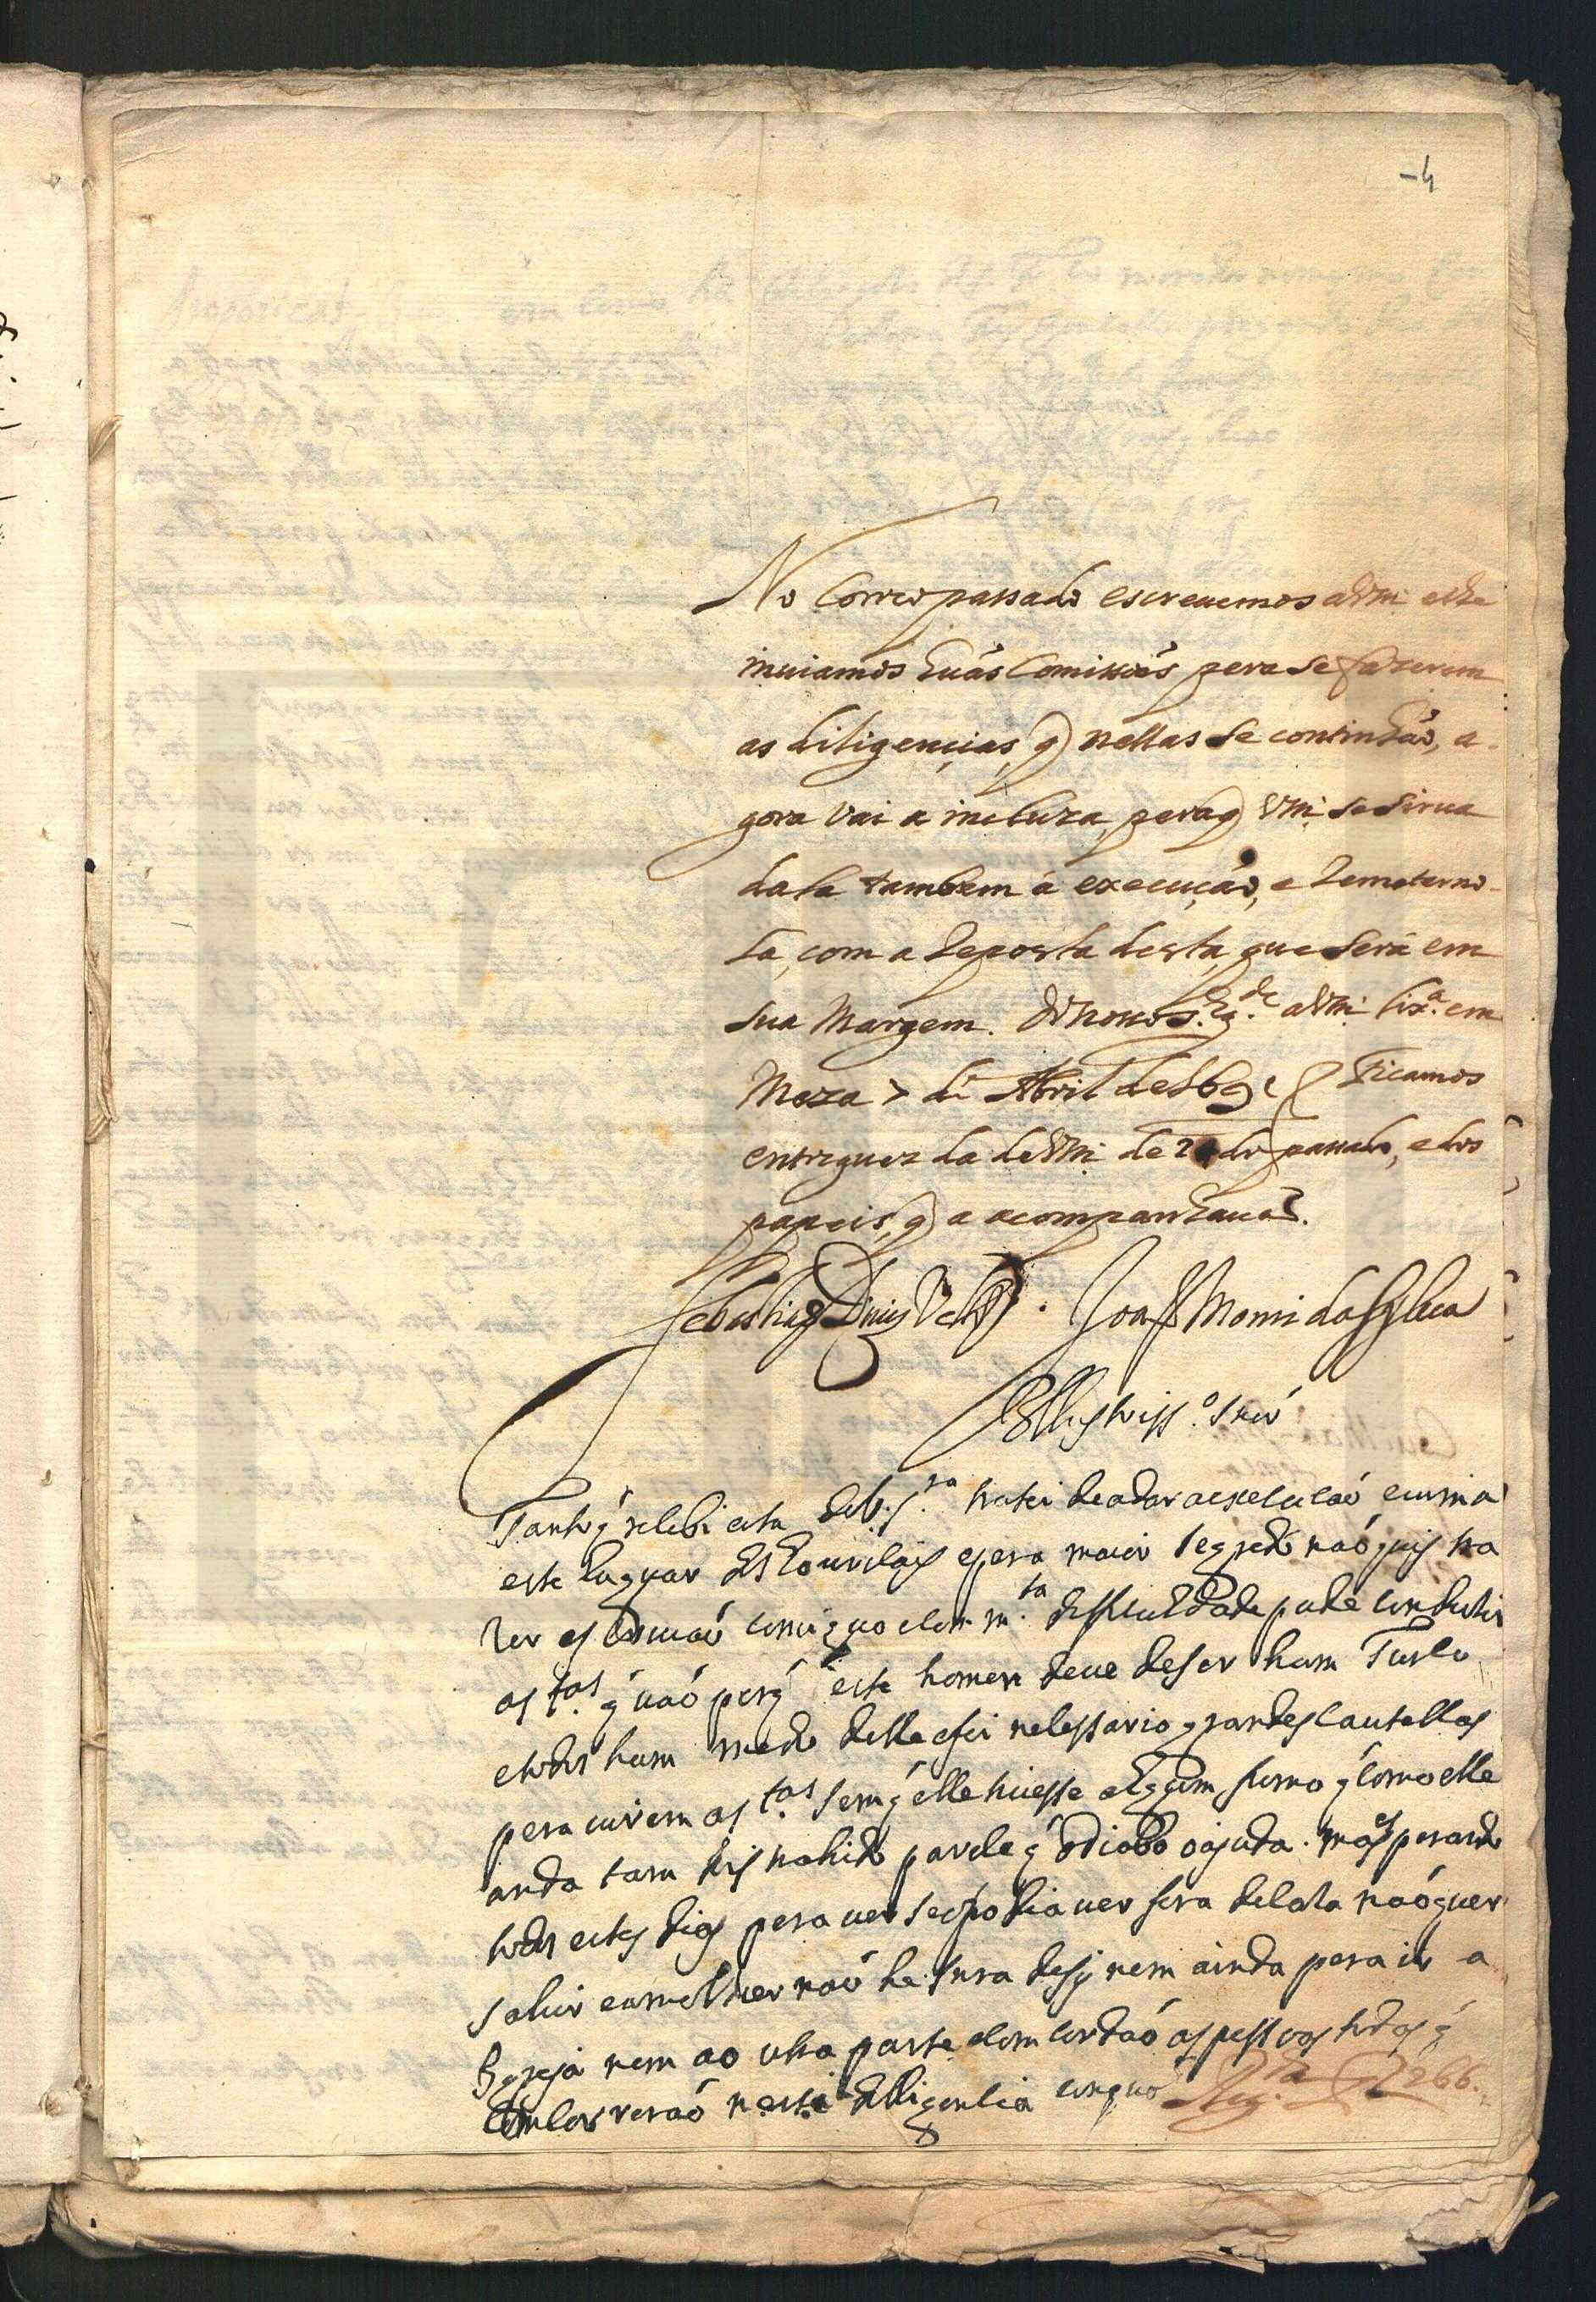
No correo passado escreuemos a V m e lhe
inuiamos huās comissoẽs pera se fazerem
as diligencias, q̄ nellas se continhaõ, a
gora vai a incluza, pera q̄ v m se sirua
dala tambem á execuçaõ, e Remeter no
la, com a Reposta desta, que será em
sua margem. Ds̄ nosso s.or g.de a v m lix.a em
Meza 7 de Abril de 1691. Ficamos
entreguez da de V m de 24 do passado, e dos
papeis, q̄ a acompanhauaõ.
Sebastiaõ Diniz Velho
Joaõ Monis da Sylua
Illustriss.o snor̄
Tanto q̄ recebi esta de V. s.ra tratei de a dar a execuçaõ e uim a
este luguar dos louriçais e pera maior segredo naõ quis tra
zer escriuaõ comiguo e com m.ta difficuldade pude conduzir
as t.as q̄ uaõ porq̄ este homem deue de ser hum Turco
e todos ham medo delle e foi necessario grandes cautellas
pera uirem as t.as sem q̄ elle tiuesse algum servo q̄ como elle
anda tam distrahido parece q̄ o diabo o ajuda. mas esperando
todos estes dias pera uer se o podia uer fora de Caza naõ quer
sahir e a molher naõ he snra de sy nem ainda para ir a
Igreja nem a outra parte a comcordaõ as pessoas todas q̄
comcorreraõ nesta dilligencia con que Reg.da fL 266
